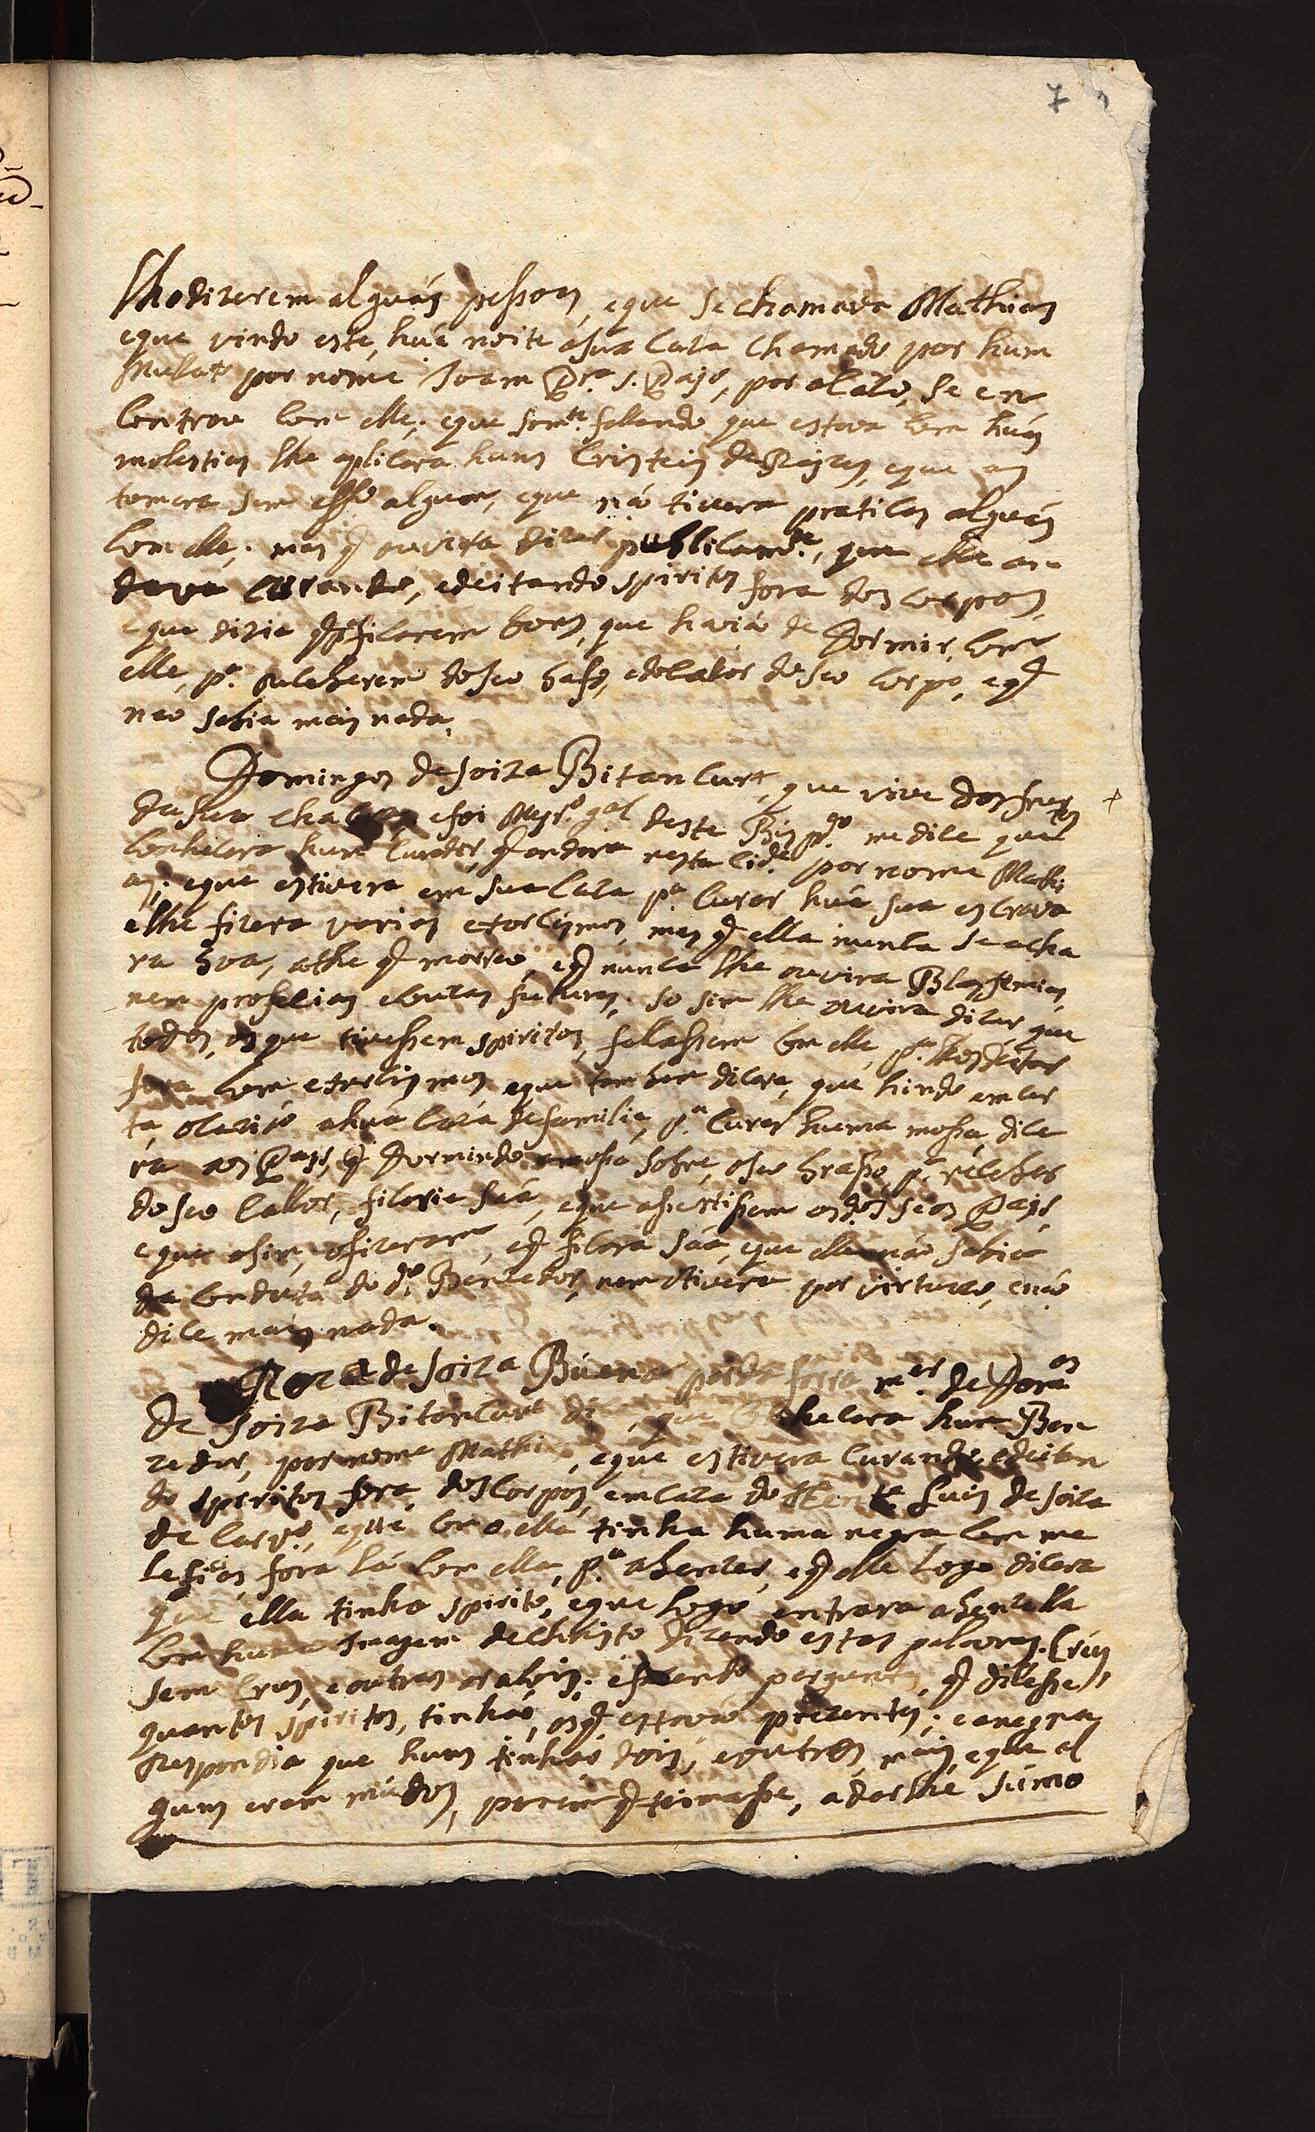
lho dizerem alguās pessoas, e que se chamava Mathias
e que vindo este huā noite a sua caza chamado por hum
mulato por nome Ioam P.ra s. Pajo, por acazo se en
controu com elle; e que som.te fallando que estava com huās
molestias lhe aplicara huns cristeis de rajzes, e que as
tomara sem esf.o algum, e que não tivera praticas alguās
com elle, mas q̄ ouvira dizer publicam.te, que elle an
dava curando, e deitando spiritos fora dos corpos
que dizia q̄ p.a ficarem bons, que haviaõ de dormir, Com
elle, pa. receberem do seo bafo, e do calor de seo corpo, e q̄
naõ sabia mais nada.
Domingos de Soiza Bitancurt, que vive dos frutos
da sua chacara e foi Meyr.o g.al deste Bisp.do me dice que
conhecera hum curador, q̄ andava nesta cid.e por nome Mathi
as; e que estivera em Sua Caza p.a curar huā sua escrava
e lhe fizera varios exorcismos, mas q̄ ella nunca se acha
ra boa, athe q̄ morreo, e q̄ nunca lhe ouvira Blasfemias,
nem profecias e couzas futuras, so sim lhe ouvira dizer que
todos, os que tivessem spiritos, falassem com elle p.a lhos deitar
fora com exorcismos, que tambem dicera, que hindo em cer
ta, ocasiaõ a huā caza De familia, p.a curar huma mossa, dice
ra aos pais, q̄ Dormindo a mossa sobre, o seu brasso, p.a receber
do seo callor, ficaria saã, e que assentissem os d.os seos pais
e que asim, o fizeram, e q̄ ficara saã e que elle não sabia
da conduta do d.o Benzedor, nem o tivera por virtuozo, e naõ
dice mais nada.
Roza de Soiza Búeno parda forra m.er de Dom.os
di que Conhecera hum Ben
de Soiza Bitencurt
zedor, por nome Mathias, e que estivera curando e deitan
do spiritos fora, dos corpos em caza do thent.e Luis de Soiza
de Carv.o, e que como ella tinha huma negra com ma
leficos, fora lá com ella, p.a a benzer, e q̄ elle logo dicera
que ella tinha spirito, e que logo entrara a senzalla
com huma Imagem de christo dizendo estas palavras. Crús,
sem Crus, e outras oraCois; e fazendo perguntas, q̄ dicesse
quantos spiritos, tinhaõ, os q̄ estavaõ prezentes; e a negra
Respondia que huas tinhaõ dois, e outros, mais, e que al
guns eram múdos, porem q̄ teimasse a darlhe sumo
